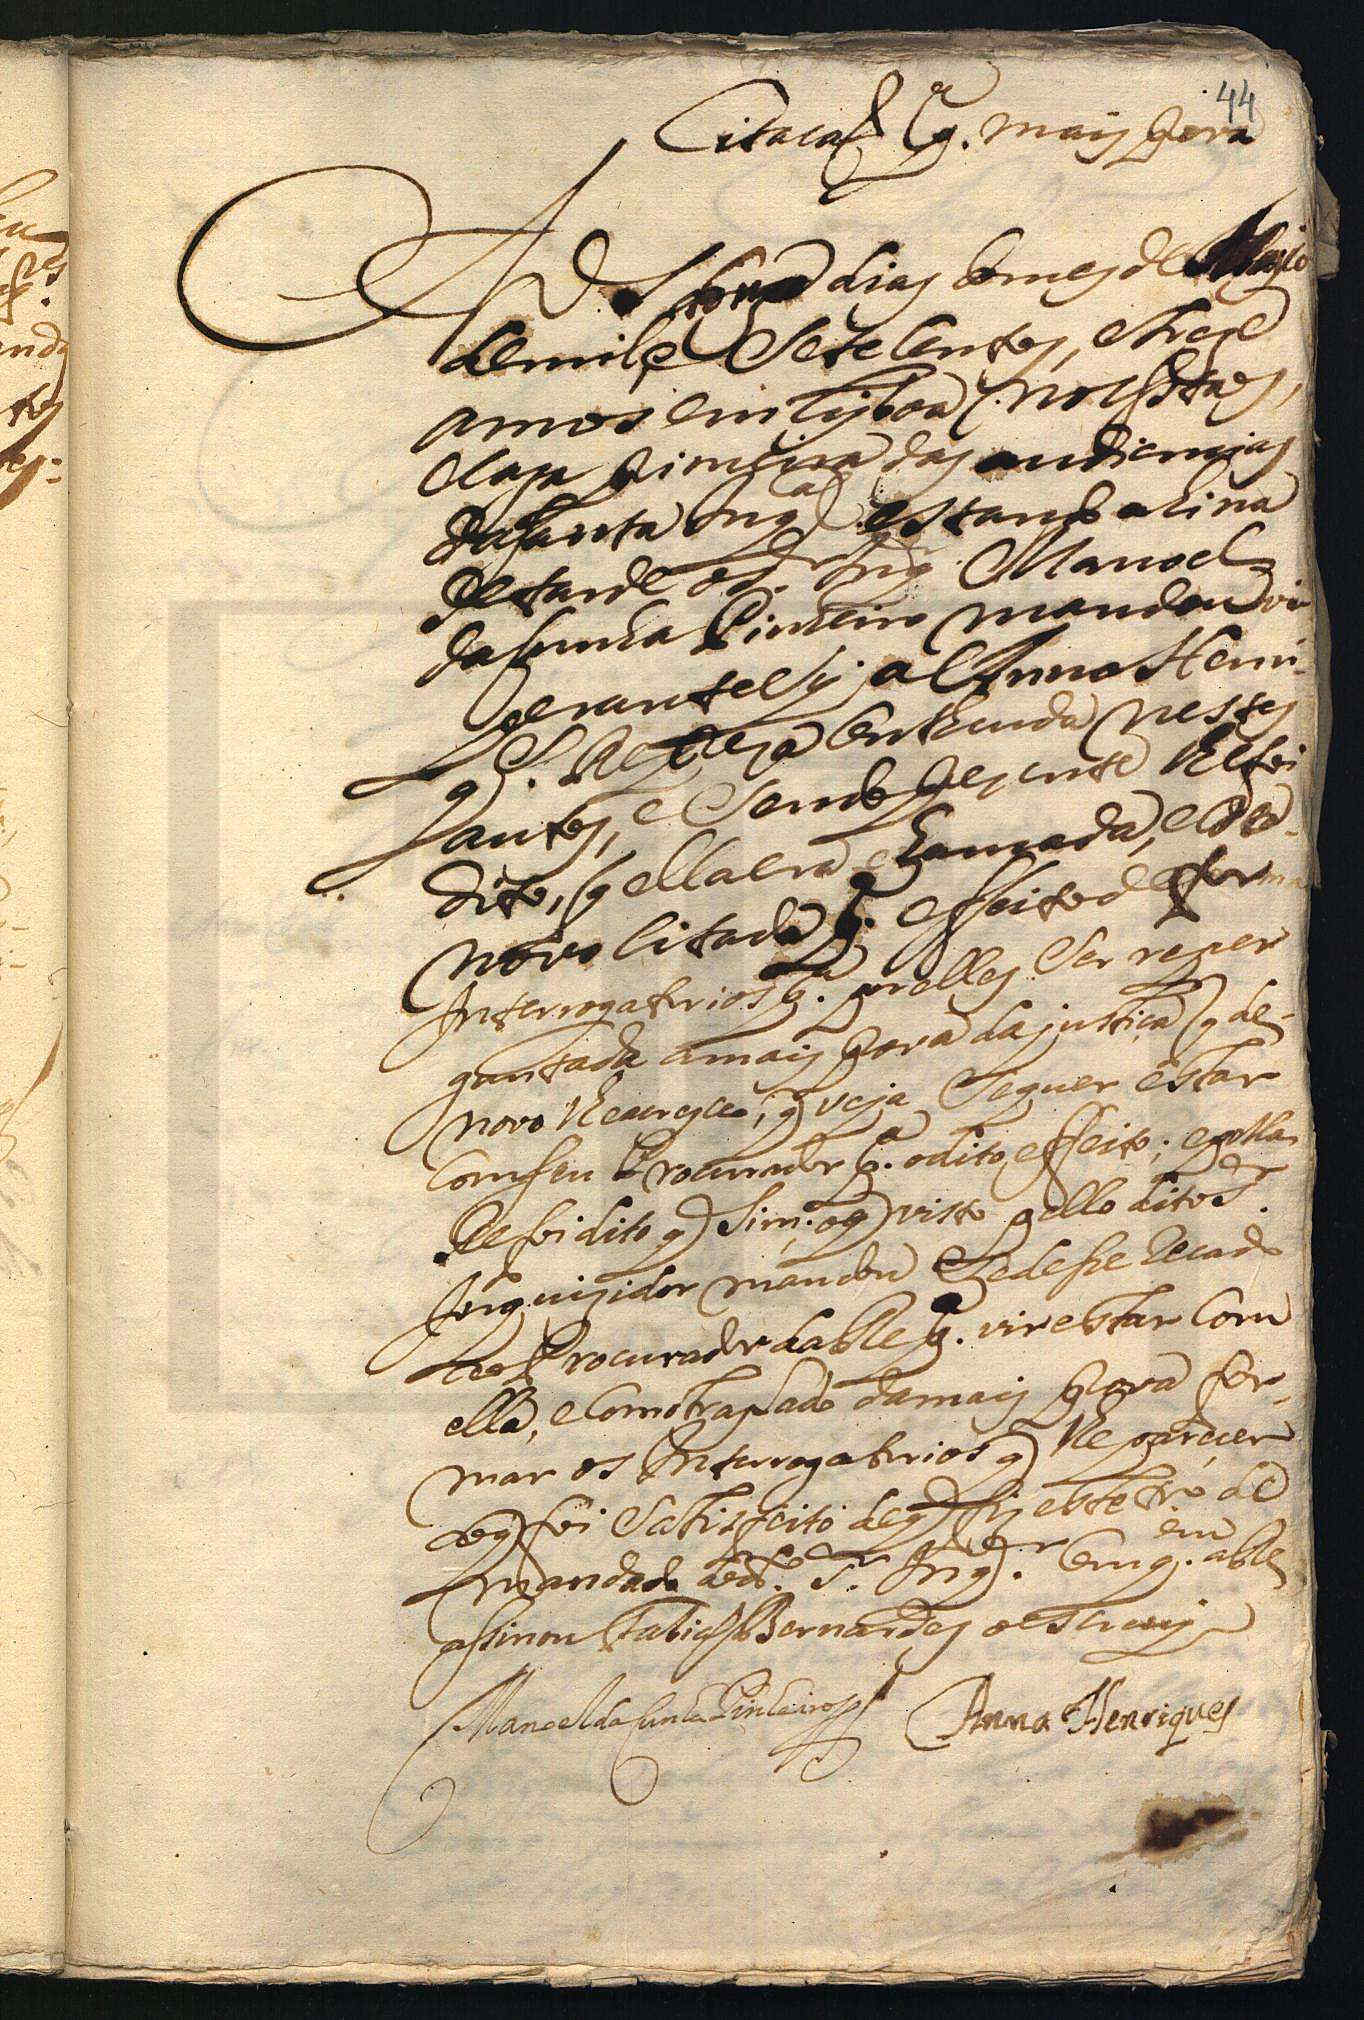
Citaçaõ p.a mais pRova
Aos douze dias do mes de Mayo
de mil, e SeteCentos, e treze
annos em lisboa nos Estaos,
e casa primeira das audiencias
da santa Inqa estando ahi na
de tarde o s.or Inqor Manoel
da Cunha Pinheiro mandou vi
perante sy a Anna Henri
q.es Re preza Contheuda nestes
autos, e sendo prezente lhe foi
dito, q̄ ella era chamada, e de
novo Citada p.a efeito de forma
Jnterrogatorios p.a por elles ser reper
guntada a mais pRova da justiça q̄ de
novo lhe acresceo, q̄ veja se quer estar
com seu Procurador p.a o dito effeito; e pella
Re foi dito q̄ Sim o q̄ visto pello dito sor.
Jnquizidor mandou se desse Recado
ao Procurador da Re p.a vir estar Com
ella, e Com o traslado da mais pRova for
mar os Interrogatorios q̄ lhe parecer
do q̄ foi satisfeito de q̄ fiz este tr.o de
mandado do d̄.o s.or Inq.or Com q.em a Re
assinou Fabiā Bernardes o escreuj
Manoel da Cunha Pinheiro
Anna Henriques
